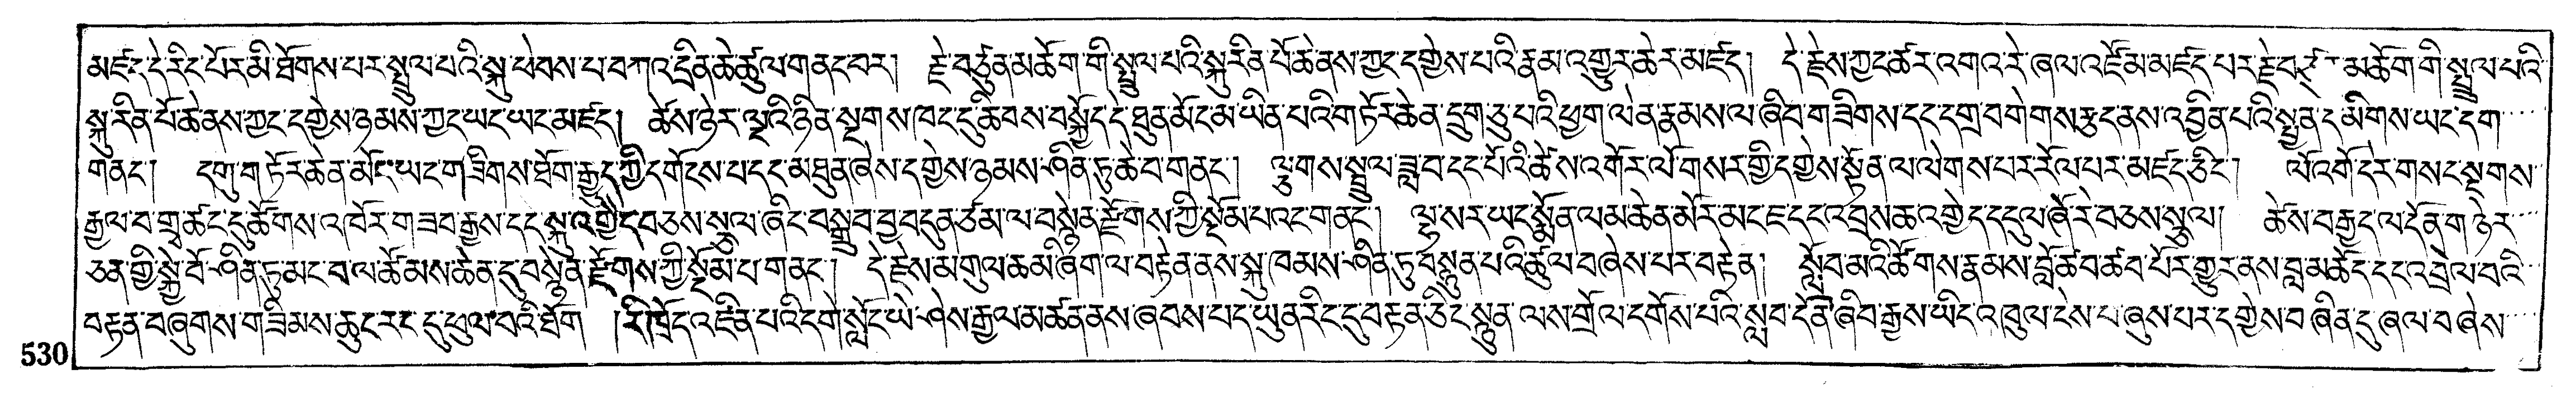མཛད་དེ་རིང་པོར་མི་ཐོགས་པར་སྤྲུལ་པའི་སྐུ་ཕེབས་པ་བཀའ་དྲིན་ཆེ་ཚུལ་གནང་བར། རྗེ་བཙུན་མཆོག་གི་སྤྲུལ་པའི་སྐུ་རིན་པོ་ཆེ་ནས་ཀྱང་དགྱེས་པའི་རྣམ་འགྱུར་ཆེར་མཛད། དེ་རྗེས་ཀྱང་ཚར་འགའ་རེ་ཞལ་འཛོམ་མཛད་པར་རྗེ་བཙུན་མཆོག་གི་སྤྲུལ་པའི་
སྐུ་རིན་པོ་ཆེ་ནས་ཀྱང་དགྱེས་ཉམས་ཀྱང་ཡང་ཡང་མཛད། ཚེས་ཉེར་ལྔའི་ཉིན་སྔགས་ཁང་དུ་ཆིབས་བསྐྱོད་དེ་ཐུན་མོང་མ་ཡིན་པའི་གཏོར་ཆེན་དྲུག་ཅུ་པའི་ཕྱག་ལེན་རྣམས་ལ་ཞིབ་གཟིགས་དང་དགྲ་བགེགས་རྩད་ནས་འབྱིན་པའི་སྤྱན་དམིགས་ཡང་དག་
གནང་། དགུ་གཏོར་ཆེན་མོར་ཡང་གཟིགས་ཐོག་རྒྱུད་ཀྱི་དགོངས་པ་དང་མཐུན་ཞེས་དགྱེས་ཉམས་ཤིན་ཏུ་ཆེ་བ་གནང་། ལྕགས་སྦྲུལ་ཟླ་བ་དང་པོའི་ཚེས་འགོར་ལོ་གསར་གྱི་དགྱེས་སྟོན་ལ་ལེགས་པར་རོལ་པར་མཛད་ཅིང་། ལོ་འགོ་དེར་གསང་སྔགས་
རྒྱལ་བ་གྲྭ་ཚང་དུ་ཚོགས་འཁོར་གཟབ་རྒྱས་དང་སྐུ་འགྱེད་བཅས་སྩལ་ཞིང་བསྒྲུབ་བྱ་བདུན་ཙམ་ལ་བསྙེན་རྫོགས་ཀྱི་སྡོམ་པའང་གནང་། ལྷ་སར་ཡང་སྨོན་ལམ་ཆེན་མོར་མང་ཇ་དང་འབྲས་ཚ་འགྱེད་དངུལ་ཞོ་རེ་བཅས་སྩལ། ཚེས་བརྒྱད་ལ་དོན་གཉེར་
ཅན་གྱི་སྐྱེ་བོ་ཤིན་ཏུ་མང་པ་ལ་ཚོམས་ཆེན་དུ་བསྙེན་རྫོགས་ཀྱི་སྡོམ་པ་གནང་། དེ་རྗེས་མགུལ་ཆམ་ཞིག་ལ་བརྟེན་ནས་སྐུ་ཁམས་ཤིན་ཏུ་བསྙུན་པའི་ཚུལ་བཞེས་པར་བརྟེན། སློབ་མའི་ཚོགས་རྣམས་བློ་ཚབ་ཚབ་པོར་གྱུར་ནས་བླ་མཆོད་དང་འབྲེལ་བའི་
བརྟན་བཞུགས་གཟིམས་ཆུང་རང་དུ་ཕུལ་བའི་ཐོག །རི་ཁྲོད་འཛིན་པའི་དགེ་སློང་ཡེ་ཤེས་རྒྱལ་མཚན་ནས་ཞབས་པད་ཡུན་རིང་དུ་བརྟན་ཅིང་སྙུན་ལས་གྲོལ་དགོས་པའི་སླབ་དོན་ཞིབ་རྒྱས་ཡིད་འཁུལ་དེས་པ་ཞུས་པར་དགྱེས་བཞིན་དུ་ཞལ་བཞེས་